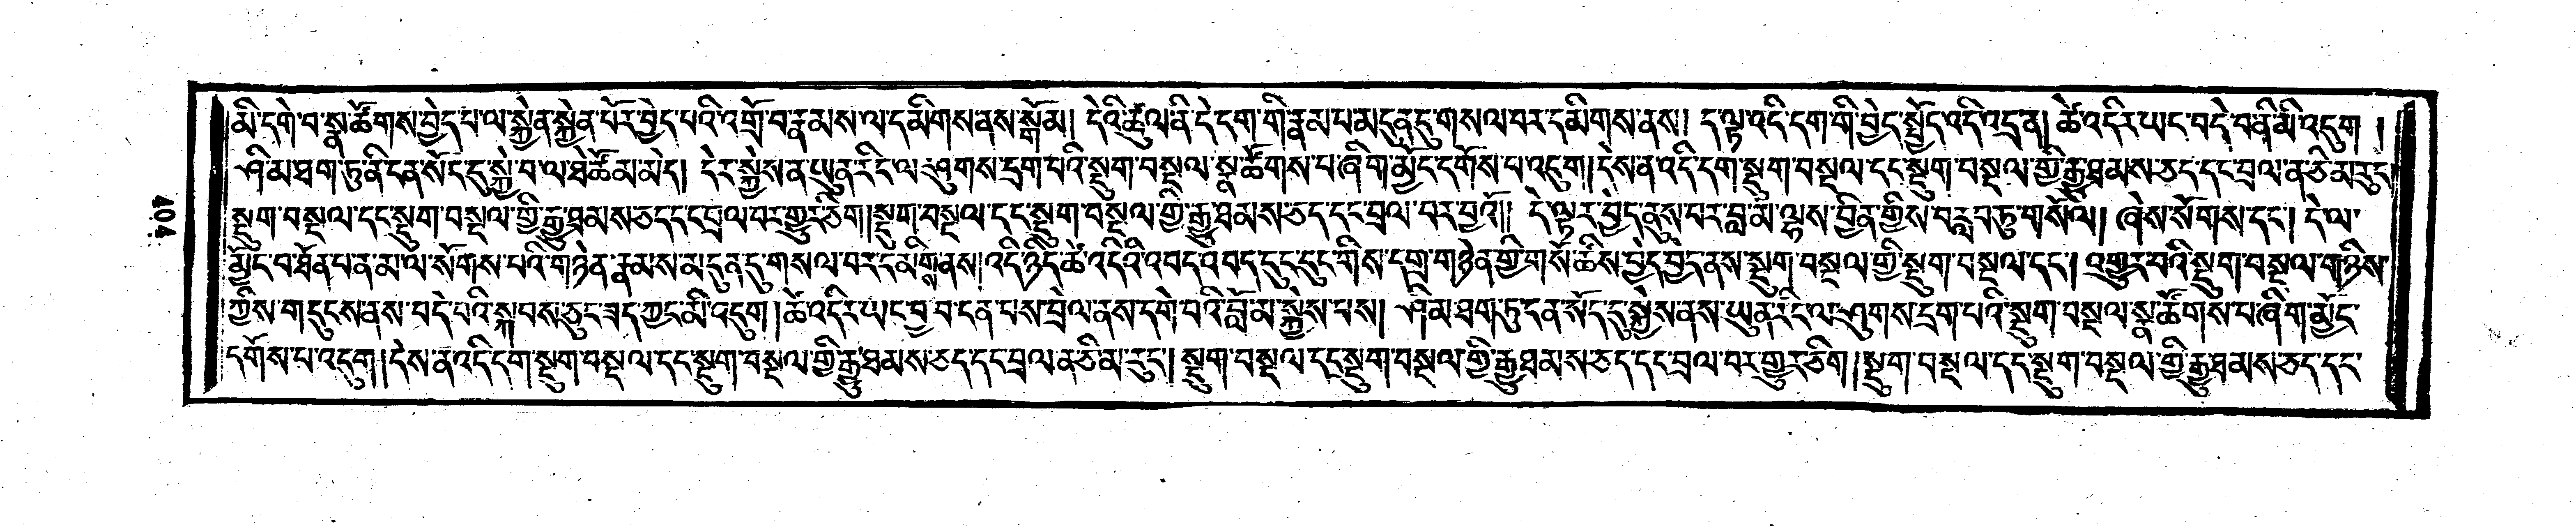མི་དགེ་བ་སྣ་ཚོགས་བྱེད་པ་ལ་སྐྱེན་སྐྱེན་པོར་བྱེད་པའི་འགྲོ་བ་རྣམས་ལ་དམིགས་ནས་སྒོམ། དེའི་ཚུལ་ནི་དེ་དག་གི་རྣམ་པ་མདུན་དུ་གསལ་བར་དམིགས་ནས། ད་ལྟ་འདི་དག་གི་བྱེད་སྤྱོད་འདི་འདྲ་ན། ཚེ་འདིར་ཡང་བདེ་བ་ནི་མི་འདུག །
ཤི་མ་ཐག་ཏུ་ནི་ངན་སོང་དུ་སྐྱེ་བ་ལ་ཐེ་ཚོམ་མེད། དེར་སྐྱེས་ན་ཡུན་རིང་ལ་ཤུགས་དྲག་པའི་སྡུག་བསྔལ་སྣ་ཚོགས་པ་ཞིག་མྱོང་དགོས་པ་འདུག །དེས་ན་འདི་དག་སྡུག་བསྔལ་དང་སྡུག་བསྔལ་གྱི་རྒྱུ་ཐམས་ཅད་དང་བྲལ་ན་ཅི་མ་རུང་།
སྡུག་བསྔལ་དང་སྡུག་བསྔལ་གྱི་རྒྱུ་ཐམས་ཅད་དང་བྲལ་བར་གྱུར་ཅིག །སྡུག་བསྔལ་དང་སྡུག་བསྔལ་གྱི་རྒྱུ་ཐམས་ཅད་དང་བྲལ་བར་བྱའོ། །དེ་ལྟར་བྱེད་ནུས་པར་བླ་མ་ལྷས་བྱིན་གྱིས་བརླབ་ཏུ་གསོལ། ཞེས་སོགས་དང་། དེ་ལ་
མྱོང་བ་ཐོན་པ་ན་མ་ལ་སོགས་པའི་གཉེན་རྣམས་མདུན་དུ་གསལ་བར་དམིགས་ནས། འདི་ཉིད་ཚེ་འདིའི་འབད་འབད་དུང་དུང་གིས་དགྲ་གཉེན་གྱི་གསོ་ཚིས་བྱེད་བྱེད་ནས་སྡུག་བསྔལ་གྱི་སྡུག་བསྔལ་དང་། འགྱུར་བའི་སྡུག་བསྔལ་གཉིས་
ཀྱིས་གདུངས་ནས་བདེ་བའི་སྐབས་ཅུང་ཟད་ཀྱང་མི་འདུག །ཚེ་འདིར་ཡང་བྱ་བ་ངན་པས་བྲེལ་ནས་དགེ་བའི་བློ་མ་སྐྱེས་པས། ཤི་མ་ཐག་ཏུ་ངན་སོང་དུ་སྐྱེས་ནས་ཡུན་རིང་ལ་ཤུགས་དྲག་པའི་སྡུག་བསྔལ་སྣ་ཚོགས་པ་ཞིག་མྱོང་
དགོས་པ་འདུག །དེས་ན་འདི་དག་སྡུག་བསྔལ་དང་སྡུག་བསྔལ་གྱི་རྒྱུ་ཐམས་ཅད་དང་བྲལ་ན་ཅི་མ་རུང་། སྡུག་བསྔལ་དང་སྡུག་བསྔལ་གྱི་རྒྱུ་ཐམས་ཅད་དང་བྲལ་བར་གྱུར་ཅིག །སྡུག་བསྔལ་དང་སྡུག་བསྔལ་གྱི་རྒྱུ་ཐམས་ཅད་དང་